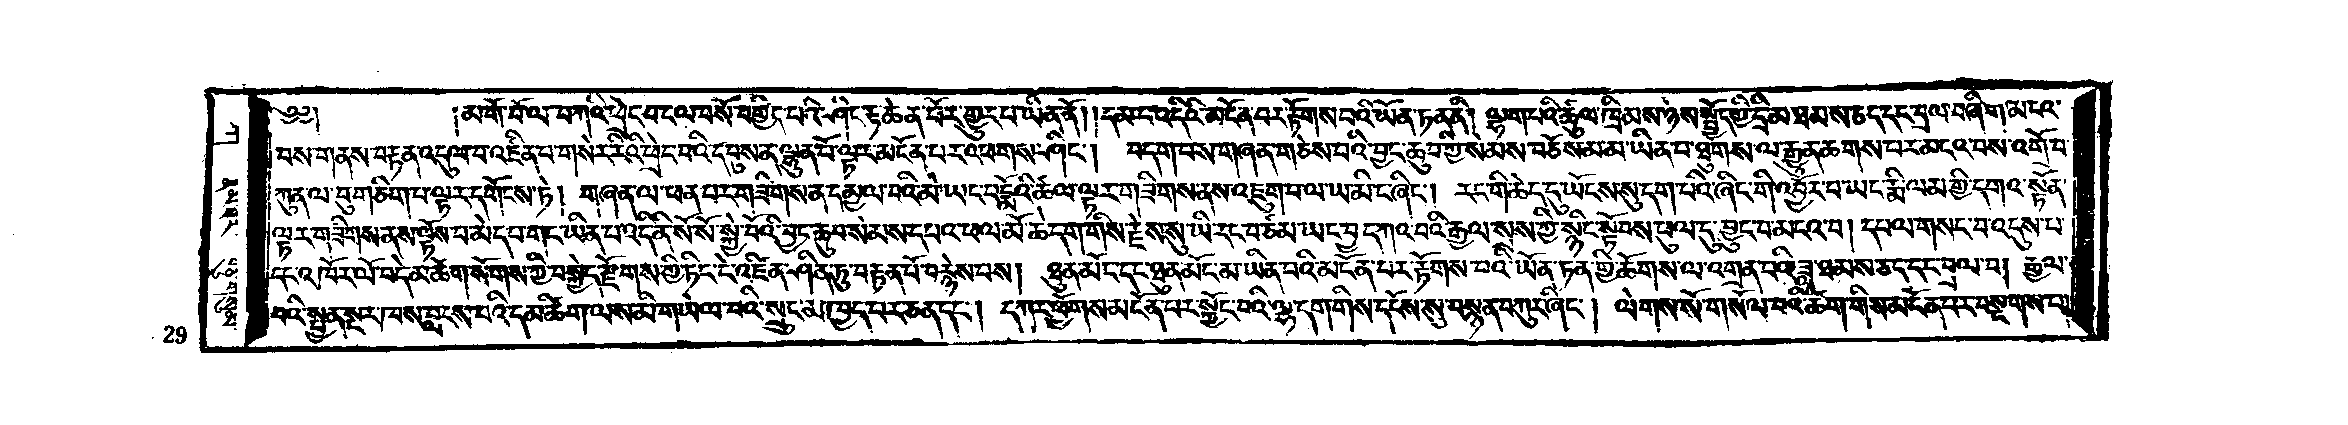༄༅། །མགོ་བོ་ལ་བཀའི་ཕྲེང་བ་ངལ་བསོ་བགྱིད་པའི་ཤིང་རྟ་ཆེན་པོར་གྱུར་པ་ཡིན་ནོ། །དམ་པ་འདིའི་མངོན་པར་རྟོགས་པའི་ཡོན་ཏན་ནི། ལྷག་པའི་ཚུལ་ཁྲིམས་ཉེས་སྤྱོད་ཀྱི་དྲི་མ་ཐམས་ཅད་དང་བྲལ་བ་ཞིག་མངའ་
བས་གནས་བརྟན་འདུལ་བ་འཛིན་པ་གསེར་རིའི་ཕྲེང་བའི་དབུས་ན་ལྷུན་པོ་ལྟར་མངོན་པར་འཕགས་ཤིང་། བདག་པས་གཞན་གཅེས་པའི་བྱང་ཆུབ་ཀྱི་སེམས་བཅོས་མ་མ་ཡིན་པ་ཐུགས་ལ་རྒྱུན་ཆགས་པར་མངའ་བས་འགྲོ་བ་
ཀུན་ལ་བུ་གཅིག་པ་ལྟར་དགོངས་ཏེ། གཞན་ལ་ཕན་པར་གཟིགས་ན་དམྱལ་བའི་མེ་ཡང་པདམོའི་ཚལ་ལྟར་གཟིགས་ནས་འཇུག་པ་ལ་ཡ་མི་ང་ཞིང་། རང་གི་ཆེད་དུ་ཡོངས་སུ་དག་པའི་ཞིང་གི་འབྱོར་བ་ཡང་རྨི་ལམ་གྱི་དགའ་སྟོན་
ལྟར་གཟིགས་ནས་ལྟོས་པ་མེད་པ་གང་ཡིན་པ་འདི་ནི་སོ་སོ་སྐྱེ་བོའི་བྱང་ཆུབ་སེམས་དཔའ་ཕལ་མོ་ཆེ་དག་གིས་རྗེས་སུ་ཡི་རང་བ་ཙམ་ཡང་བྱ་དཀའ་བའི་རྒྱལ་སྲས་ཀྱི་སྙིང་སྟོབས་ཕུལ་དུ་བྱུང་བ་མངའ་བ། དཔལ་གསང་བ་འདུས་པ་
དང་འཁོར་ལོ་བདེ་མཆོག་སོགས་ཀྱི་བསྐྱེད་རྫོགས་ཀྱི་ཏིང་ངེ་འཛིན་ཤིན་ཏུ་བརྟན་པོ་བརྙེས་པས། ཐུན་མོང་དང་ཐུན་མོང་མ་ཡིན་པའི་མངོན་པར་རྟོགས་པའི་ཡོན་ཏན་གྱི་ཆོགས་ལ་འགྲན་པའི་ཟླ་ཐམས་ཅད་དང་བྲལ་བ། རྒྱལ་
བའི་སྤྱན་སྔར་ཁས་བླངས་པའི་དམ་ཚིག་ལས་མི་གཡེལ་བའི་སྲུང་མ་ཁྱད་པར་ཅན་དང་། དཀར་ཕྱོགས་མངོན་པར་སྐྱོང་བའི་ལྷ་དག་གིས་དངོས་སུ་བསྙན་བཀུར་ཞིང་། ལེགས་སོ་གསོལ་བའི་ཚིག་གིས་མངོན་པར་བསྔགས་པ།